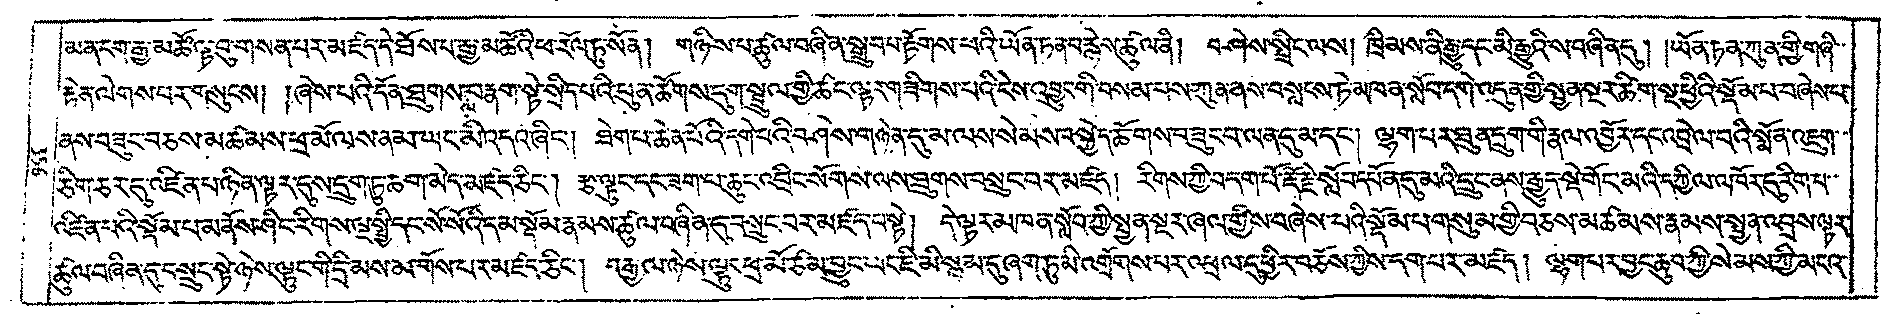མན་ངག་རྒྱ་མཚོ་ལྟ་བུ་གསན་པར་མཛད་དེ་ཐོས་པ་རྒྱ་མཚོའི་ཕ་རོལ་ཏུ་སོན། གཉིས་པ་ཚུལ་བཞིན་སྒྲུབ་པ་རྟོགས་པའི་ཡོན་ཏན་བརྙེས་ཚུལ་ནི། བཤེས་སྤྲིང་ལས། ཁྲིམས་ནི་རྒྱུ་དང་མི་རྒྱུའི་ས་བཞིན་དུ། །ཡོན་ཏན་ཀུན་གྱི་གཞི་
རྟེན་ལེགས་པར་གསུངས། །ཞེས་པའི་དོན་ཐུགས་ལ་བརྣག་སྟེ་སྲིད་པའི་ཕུན་ཚོགས་དུག་སྦྲུལ་གྱི་ཚང་ལྟར་གཟིགས་པའི་ངེས་འབྱུང་གི་བསམ་པས་ཀུན་ནས་བསླངས་ཏེ་མཁན་སློབ་དགེ་འདུན་གྱི་སྤྱན་སྔར་ཚིག་སྔ་ཕྱིའི་སྡོམ་པ་བཞེས་པ་
ནས་བཟུང་བཅས་མཚམས་ཕྲ་མོ་ལས་ནམ་ཡང་མི་འདའ་ཞིང་། ཐེག་པ་ཆེན་པོའི་དགེ་བའི་བཤེས་གཉེན་དུ་མ་ལས་སེམས་བསྐྱེད་ཆོ་གས་བཟུང་བ་ལན་དུ་མ་དང་། ལྷག་པར་ཐུན་དྲུག་གི་རྣལ་འབྱོར་དང་འབྲེལ་བའི་སྨོན་འཇུག་
ཅིག་ཅར་དུ་འཛིན་པ་ཉིན་ལྟར་དུས་དྲུག་ཏུ་ཆག་མེད་མཛད་ཅིང་། རྩ་ལྟུང་དང་ཟག་པ་ཆུང་འབྲིང་སོགས་ལས་ཐུགས་བསྲུང་བར་མཛད། རིགས་ཀྱི་བདག་པོ་རྡོ་རྗེ་སློབ་དཔོན་དུ་མའི་དྲུང་ནས་རྒྱུད་སྡེ་གོང་མའི་དཀྱིལ་འཁོར་དུ་རིག་པ་
འཛིན་པའི་སྡོམ་པ་མནོས་ཤིང་རིགས་ལྔ་སྤྱི་དང་སོ་སོའི་དམ་སྡོམ་རྣམས་ཚུལ་བཞིན་དུ་བསྲུང་བར་མཛད་པ་སྟེ། དེ་ལྟར་མཁན་སློབ་ཀྱི་སྤྱན་སྔར་ཞལ་གྱིས་བཞེས་པའི་སྡོམ་པ་གསུམ་གྱི་བཅས་མཚམས་རྣམས་སྤྱན་འབྲས་ལྟར་
ཚུལ་བཞིན་དུ་བསྲུང་སྟེ་ཉེས་ལྟུང་གི་དྲི་མས་མ་གོས་པར་མཛད་ཅིང་། བརྒྱ་ལ་ཉེས་ལྟུང་ཕྲ་མོ་ཙམ་བྱུང་ཡང་ཇི་མི་སྙམ་དུ་ཞག་ཏུ་མི་འགྲོགས་པར་འཕྲལ་དུ་ཕྱིར་བཅོས་ཀྱིས་དག་པར་མཛད། ལྷག་པར་བྱང་ཆུབ་ཀྱི་སེམས་ཀྱི་མངའ་